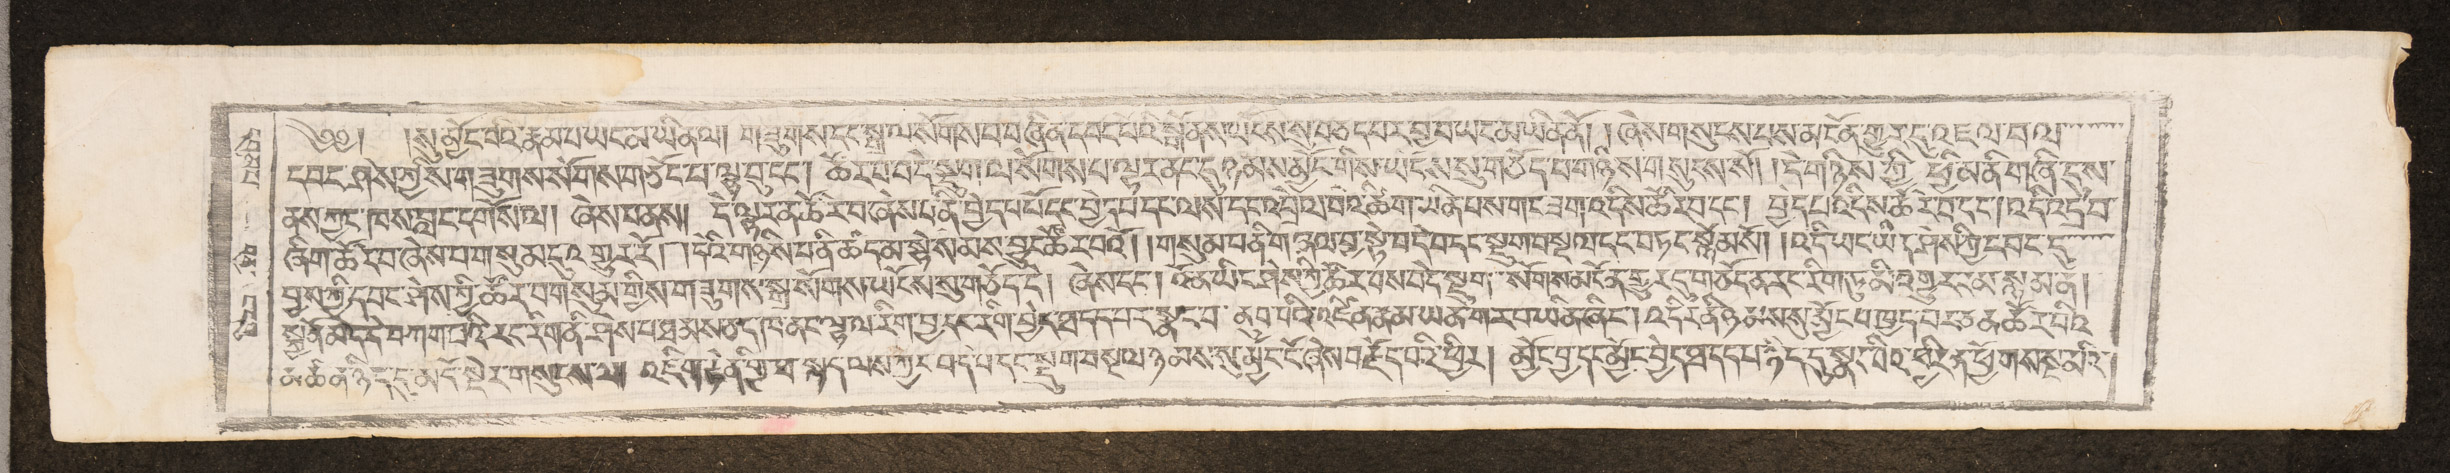༄༅། །སུ་མྱོང་བའི་རྣམ་པ་ཡང་མ་ཡིན་ལ། གཟུགས་དང་སྒྲ་ལ་སོགས་པ་བཞིན་དབང་པོའི་སྒོ་ནས་ཡོངས་སུ་བཅད་པར་བྱ་བ་ཡང་མ་ཡིན་ནོ། །ཞེས་གསུགནས་པས་མངོན་གྱུར་དུ་འཇལ་བ་ལ་
དབང་ཤེས་ཀྱིས་གཟུགས་སོགས་གཅོད་པ་ལྟ་བུ་དང་། ཚོར་བ་བདེ་སྡུག་ལ་སོགས་པ་ལྟར་ནང་དུ་ཉམ་མྱོང་གིས་ཡོངས་སུ་གཅོད་པ་གཉིས་གསུངས་སོ། །དེ་གཉིས་ཀྱི་ཕྱི་མ་ནི་གཞི་དུས་
ནས་ཀྱང་ཁས་བླང་དགོས་ལ། ཞེས་པ་ནས། དེ་ལྟར་ན་ཚོར་བ་ཞེས་པ་ནི་བྱེད་པ་པོ་དང་བྱེད་པ་དང་ལས་དང་འབྲེལ་བའི་ཚིག་ཡིན་པས་གང་ཟག་འདིས་ཚོར་བ་དང་། བྱེད་པ་འདིས་ཚོར་བ་དང་། འདི་འདྲ་བ་
ཞིག་ཚོར་བ་ཞེས་པ་གསུམ་དུ་འགྱུར་རོ། །དེའི་གཉིས་པ་ནི་ཚད་མ་སྟེ་སེམས་བྱུང་ཚོར་བའོ། །གསུམ་པ་ནི་གཞལ་བྱ་སྟེ་བདེ་བ་དང་སྡུག་བསྔལ་དང་བཏང་སྙོམས་སོ། །འདི་ཡང་ཡིད་ཤེས་ཀྱི་དབང་དུ་
བྱས་ཀྱི་དབང་ཤེས་ཀྱི་ཚོར་བ་གསུམ་གྱིས་གཟུགས་སྒྲ་སོགས་ཡོངས་སུ་གཅོད་དེ། ཞེས་དང་། འོན་ཡིད་ཤེས་ཀྱི་ཚོར་བས་བདེ་སྡུག་སོགས་མངོན་གྲུར་དུ་གཅོད་ན་རང་རིག་ཏུ་མི་འགྱུར་རམ་སྙམ་ན།
སྐྱོན་མེད་དེ་བཀག་པའི་རང་རིག་ནི་ཤེས་པ་ཐམས་ཅད་ཁ་ནང་ལྟ་ལ་རིག་བྱ་དང་རིག་བྱེད་ཐ་དད་པར་སྣང་བ། ནུས་པའི་འཛིན་རྣམ་ཡན་གར་པ་ཡིན་ཞིང་། འདིར་ནི་ཉམས་སུ་མྱོང་བ་ཁྱད་པར་ཅན་ཚོར་བའི་
མཚན་ཉིད་དུ་མདོ་སྡེར་གསུངས་ལ། འཇིག་རྟེན་གྱི་ཐ་སྙད་ལས་ཀྱང་བདེ་བ་དང་སྡུག་བསྔལ་ཉམས་སུ་མྱོང་ངོ་ཞེས་བརྗོད་བའི་ཕྱིར། མྱོང་བྱ་དང་མྱོང་བྱེད་ཐ་དད་པ་ཉིད་དུ་སྣང་བའི་ཕྱིར་ན་ཕྱོགས་སྔ་མའི་